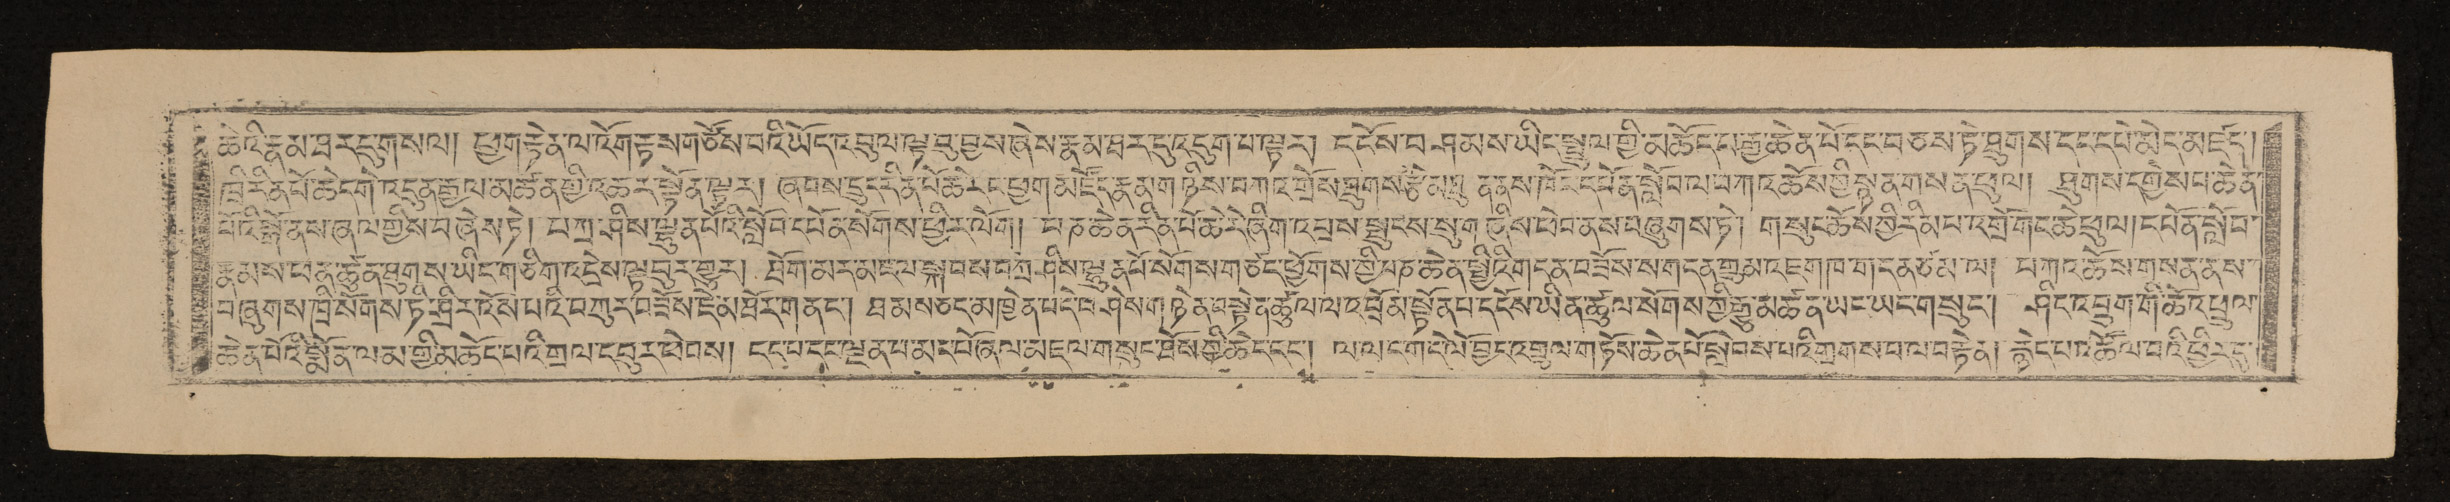ཆེའི་རྣམ་ཐར་དུ་གསལ། ཕྱག་རྟེན་ལ་འོག་རྟས་གཙོས་པའི་ཡོད་འབུལ་ལྟ་བུ་བྱས་ཞེས་རྣམ་ཐར་དུ་འདུག་པ་ལྟར། དངོས་བཤམས་ཡིད་སྤྲུལ་གྱི་མཆོད་པ་རྒྱ་ཆེན་པོ་དང་བཅས་ཏེ་ཐུགས་དང་དཔེ་མེད་མཛད།
ཁྲི་རིན་པོ་ཆེ་དགེ་འདུན་རྒྱལ་མཚན་གྱི་འཆར་སྟོན་ལྟར། ཞབས་དྲུང་རིན་པོ་ཆེ་དང་ཕྱག་མཛོད་རྣམ་གཉིས་བཀའ་གྲོས་ཐུགས་རྩེ་མཐུན་ནས་ཁོང་དཔོན་སློབ་ལ་བཀའ་ཆོས་ཀྱི་སྙན་གསན་ཕུལ། ཐུགས་དགྱེས་པ་ཆེན་
པོའི་སྒོ་ནས་ཞལ་གྱིས་བཞེས་ཏེ། བཀྲ་ཤིས་ལྷུན་པོའི་སློབ་དཔོན་སོགས་ཕྱིར་ལོག། པཎ་ཆེན་རིན་པོ་ཆེ་རེ་ཞིག་འབྲས་སྤུངས་སུ་གཞིས་ཕེབ་ནས་བཞུགས་ཏེ། གསུང་ཆོས་ཀྱི་རིམ་པ་འགྲོ་གང་ཆེ་ཕུལ། དཔོན་སློབ་
རྣམས་ཕན་ཚུན་ཐུགས་ཡིད་གཅིག་འདྲེས་ལྟ་བུར་གྱུར། ཐོག་མར་མཇལ་སྐབས་བཀྲ་ཤིས་ལྷུན་པོ་སོགས་གཙང་ཕྱོགས་ཀྱི་པཎ་ཆེན་སྤྱིའི་གདན་བཟོས་ས་གདན་གྲུམ་འཇག་ཁ་གདན་ཙམ་ལ། བཀའ་ཆོས་གསན་ནས་
བཞུགས་ཁྲི་སོགས་ཏི་ཤྲིར་འོས་པའི་བཀུར་བཟོས་ཇེ་མཐོར་གནང་། ཐམས་ཅད་མཁྱེན་པ་དེ་བཤེས་གཉེན་བསྟེན་ཚུལ་ལ་འབྲོམ་སྟོན་པ་དངོས་ཡིན་ཚུལ་སོགས་ཀྱི་རྒྱུ་མཚན་ཡང་ཡང་གསུངས། ཤིང་འབྲུག་གི་ཆོ་འཕྲུལ་
ཆེན་པོའི་སྨོན་ལམ་གྱི་མཆོད་པའི་གྲལ་དབུར་ཕེབས། དད་པ་དང་ལྡན་པ་མང་པོ་ཞལ་མཇལ་གསུང་ཐོས་ཀྱི་ཆེད་དང་། ལ་ལ་དག་དེ་ལོ་བྱང་འགྲུལ་གཏོས་ཆེན་པོ་སླེབས་པའི་གྲགས་པ་ལ་བརྟེན། རྙེད་པ་འཚོལ་བའི་ཕྱིར་དུ་